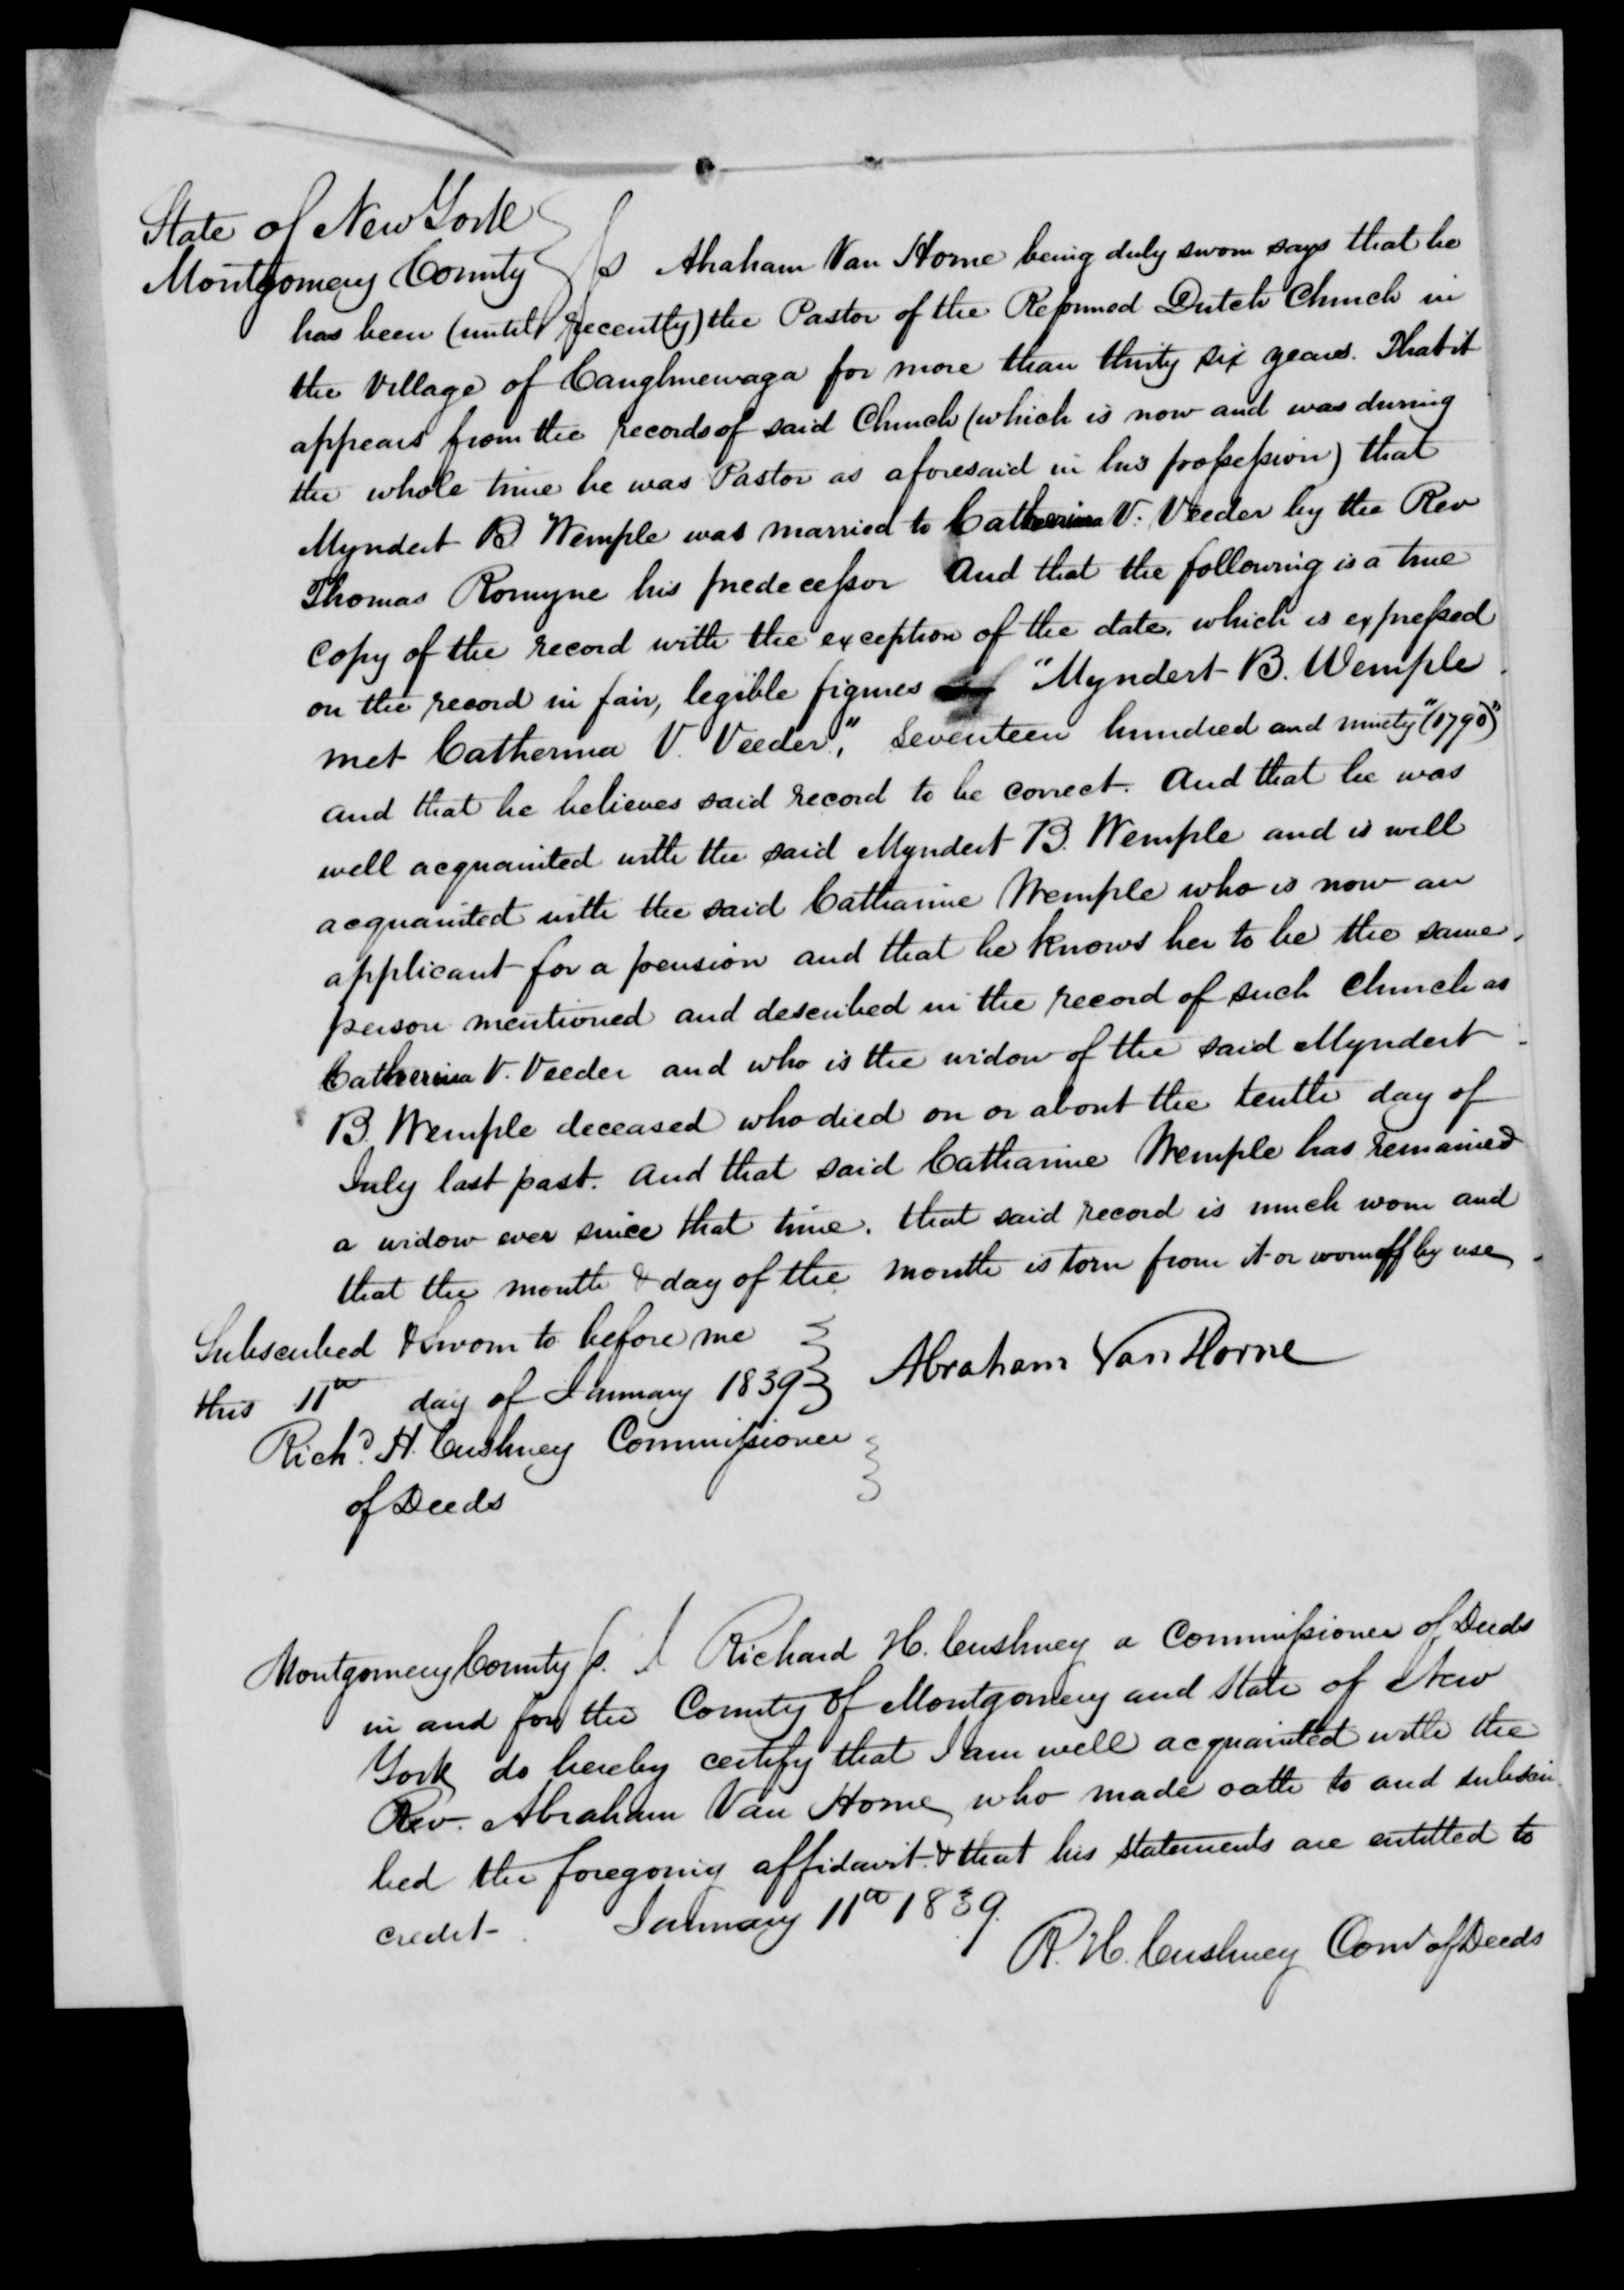State of New York} 
Montgomery County}  ss
Abraham Van Horne being duly sworn says that he
has been (until recently) the Pastor of the Reformed Dutch Church in
the Village of Caughnawaga for more than thirty six years. That it
appears from the records of said Church (which is now and was during the
whole time he was Pastor as aforesaid in his possession) that
Myndert B. Wemple was married to Catherina (Catharine)V. Veeder by the Rev
Thomas Romyne(Romeyn) his predecessor and that the following is a true
copy of the record with the exception of the date, which is expressed
on the record in fair, legible figures "Myndert B. Wemple
met Catherina(Catharine) V. Veeder," Seventeen hundred and ninety "(1790)"
and that he believes said record to be correct. And that he was
well acquainted with the said Myndert B. Wemple and is well
acquainted with the said Catharine Wemple who is now an
applicant for a pension and that he knows her to be the same
person mentioned and described in the record of such Church as
Catherina(Catharine) V. Veeder and who is the widow of the said Myndert
B. Wemple deceased who died on or about the tenth day of
July last past. And that said Catharine Wemple has remained
a widow ever since that time, that said record is much worn and
that the month & day of the month is torn from it or worn off by use.
Subscribed & Sworn to before me }
this 11th day of January 1839}    Abraham Van Horne
Richd.(Richard) H. Cushney Commissioner}
of Deeds}

Montgomery County ss.   I Richard H. Cushney a commissioner of Deeds
in and for the County of Montgomery and State of New York
do hereby certify that I am well acquainted with the
Rev. Abraham Van Horne who made oath to and subscribed
the foregoing affidavit & that his statements are entitled to
credit
January 11th 1839
R. H. Cushney  Com of Deeds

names: Abraham Van Horne, Catharine Wemple, Myndert B Wemple, Thomas Romyne, Catharine V Veeder, Richd H Cushney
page: 18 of 51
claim: widow's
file: W. 19604, Myndert B Wemple, New York